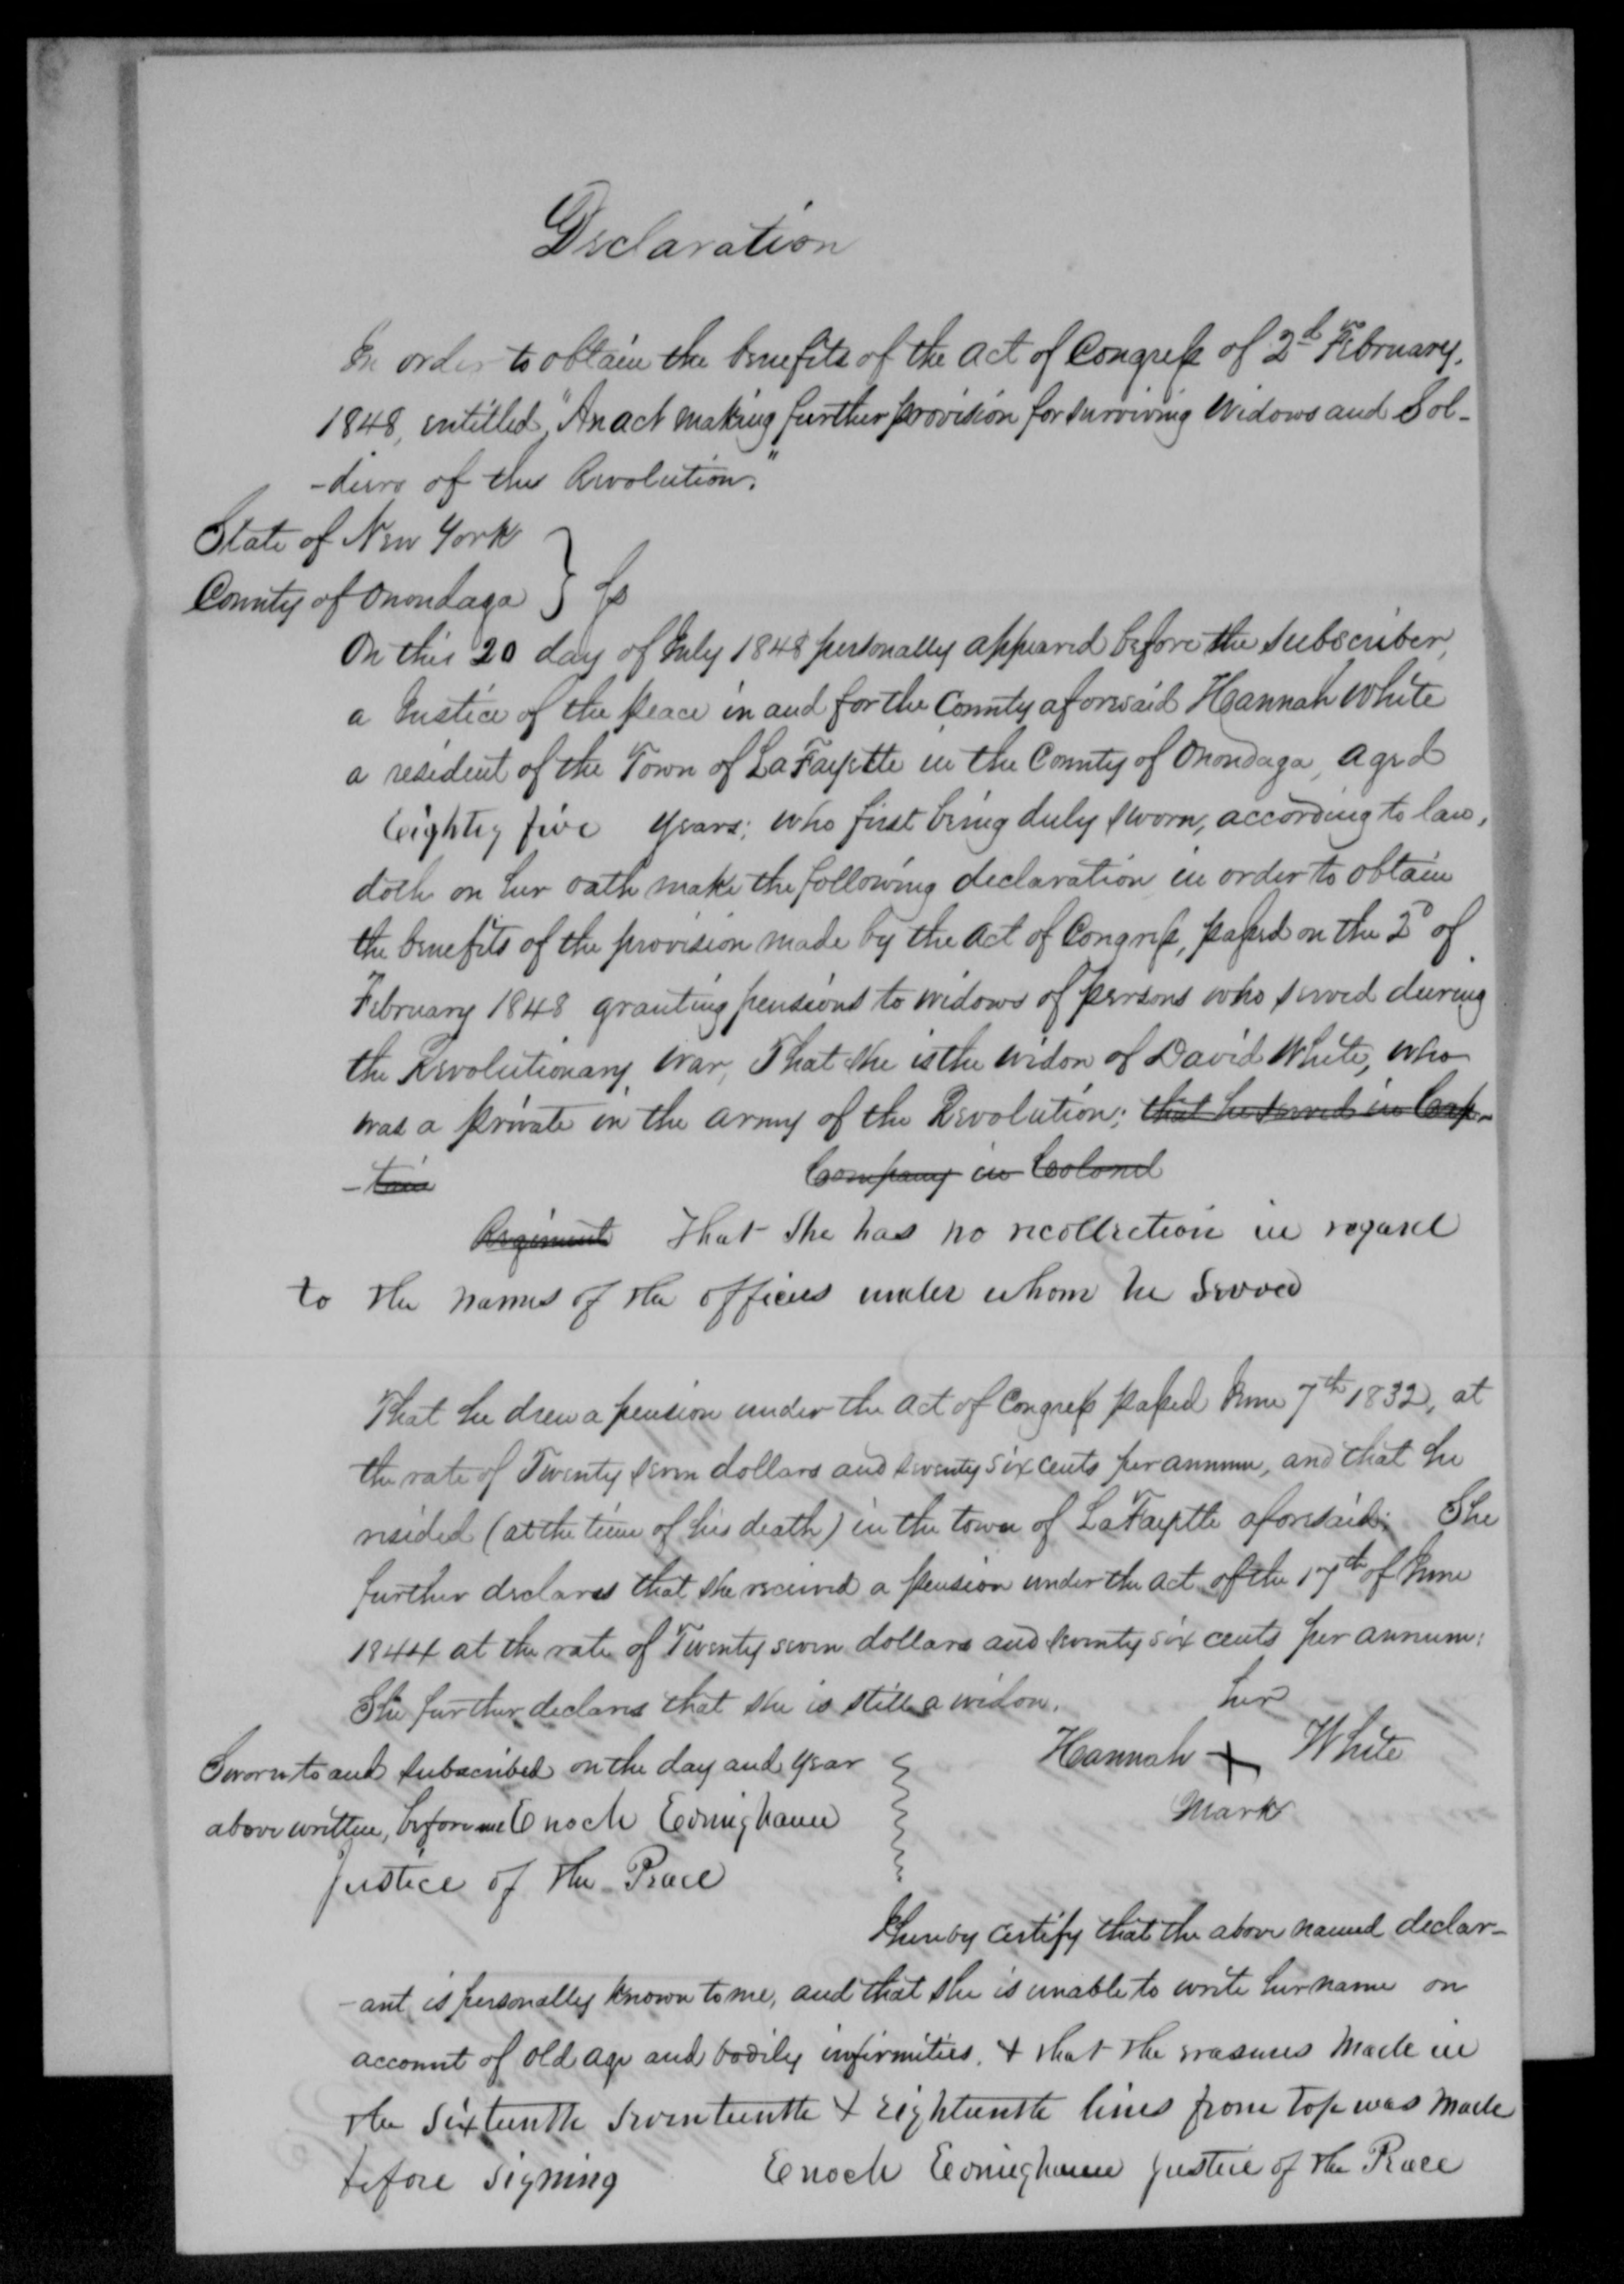Declaration

In order to obtain the benefits of the act of Congress of 2d February, 1848 entitled "An act making further provision for surviving widows and Soldiers of the Revolution.

State of New York County of Onondaga}ss

On this 29 day of July 1848 personally appeared before the subscriber, a Justice of the Peace in and for the County aforesaid Hannah White a resident of the Town of LaFayette in the County of Onondaga, aged eighty five years; who first being duly sworn, according to law, doth on her oath make the following declaration in order to obtain the benefits of the provision made by the Act of Congress, passed on the 2nd of February 1848 granting pensions to widows of persons who served during the Revolutionary War; That she ist he widow of David White, who was a private in the army of the Revolution; That she has no recollection in regard to the names of the officers under whom he served; That he drew a pension under the Act of Congress passed June 7th 1832, at the rate of Twenty seven dollars and seventy six cents per annum, and that he resided (at the time of his death) in the town of LaFayette aforesaid. She further declares that she received a pension under the act of the 17th of June 1844 at the rate of Twenty seven dollars and seventy six cents per annum; She further declares that she is still a widow.

Hannah X(her mark) White

Sworn to and subscribed on the day and year above written, before me Enoch Evringham, Justice of the Peace}

Hereby certify that the above named declarand is personally known to me, and that she is unable to write her name on account of old age and bodily infirmities & that the erasure made in the sixteenth seventeenth & eighteenth line from top was made before signing

Enoch Evringham Justice of the Peace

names: Hannah White, Enoch Evringham, David White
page: 62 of 63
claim: widow's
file: W. 18403, David White, Conn.